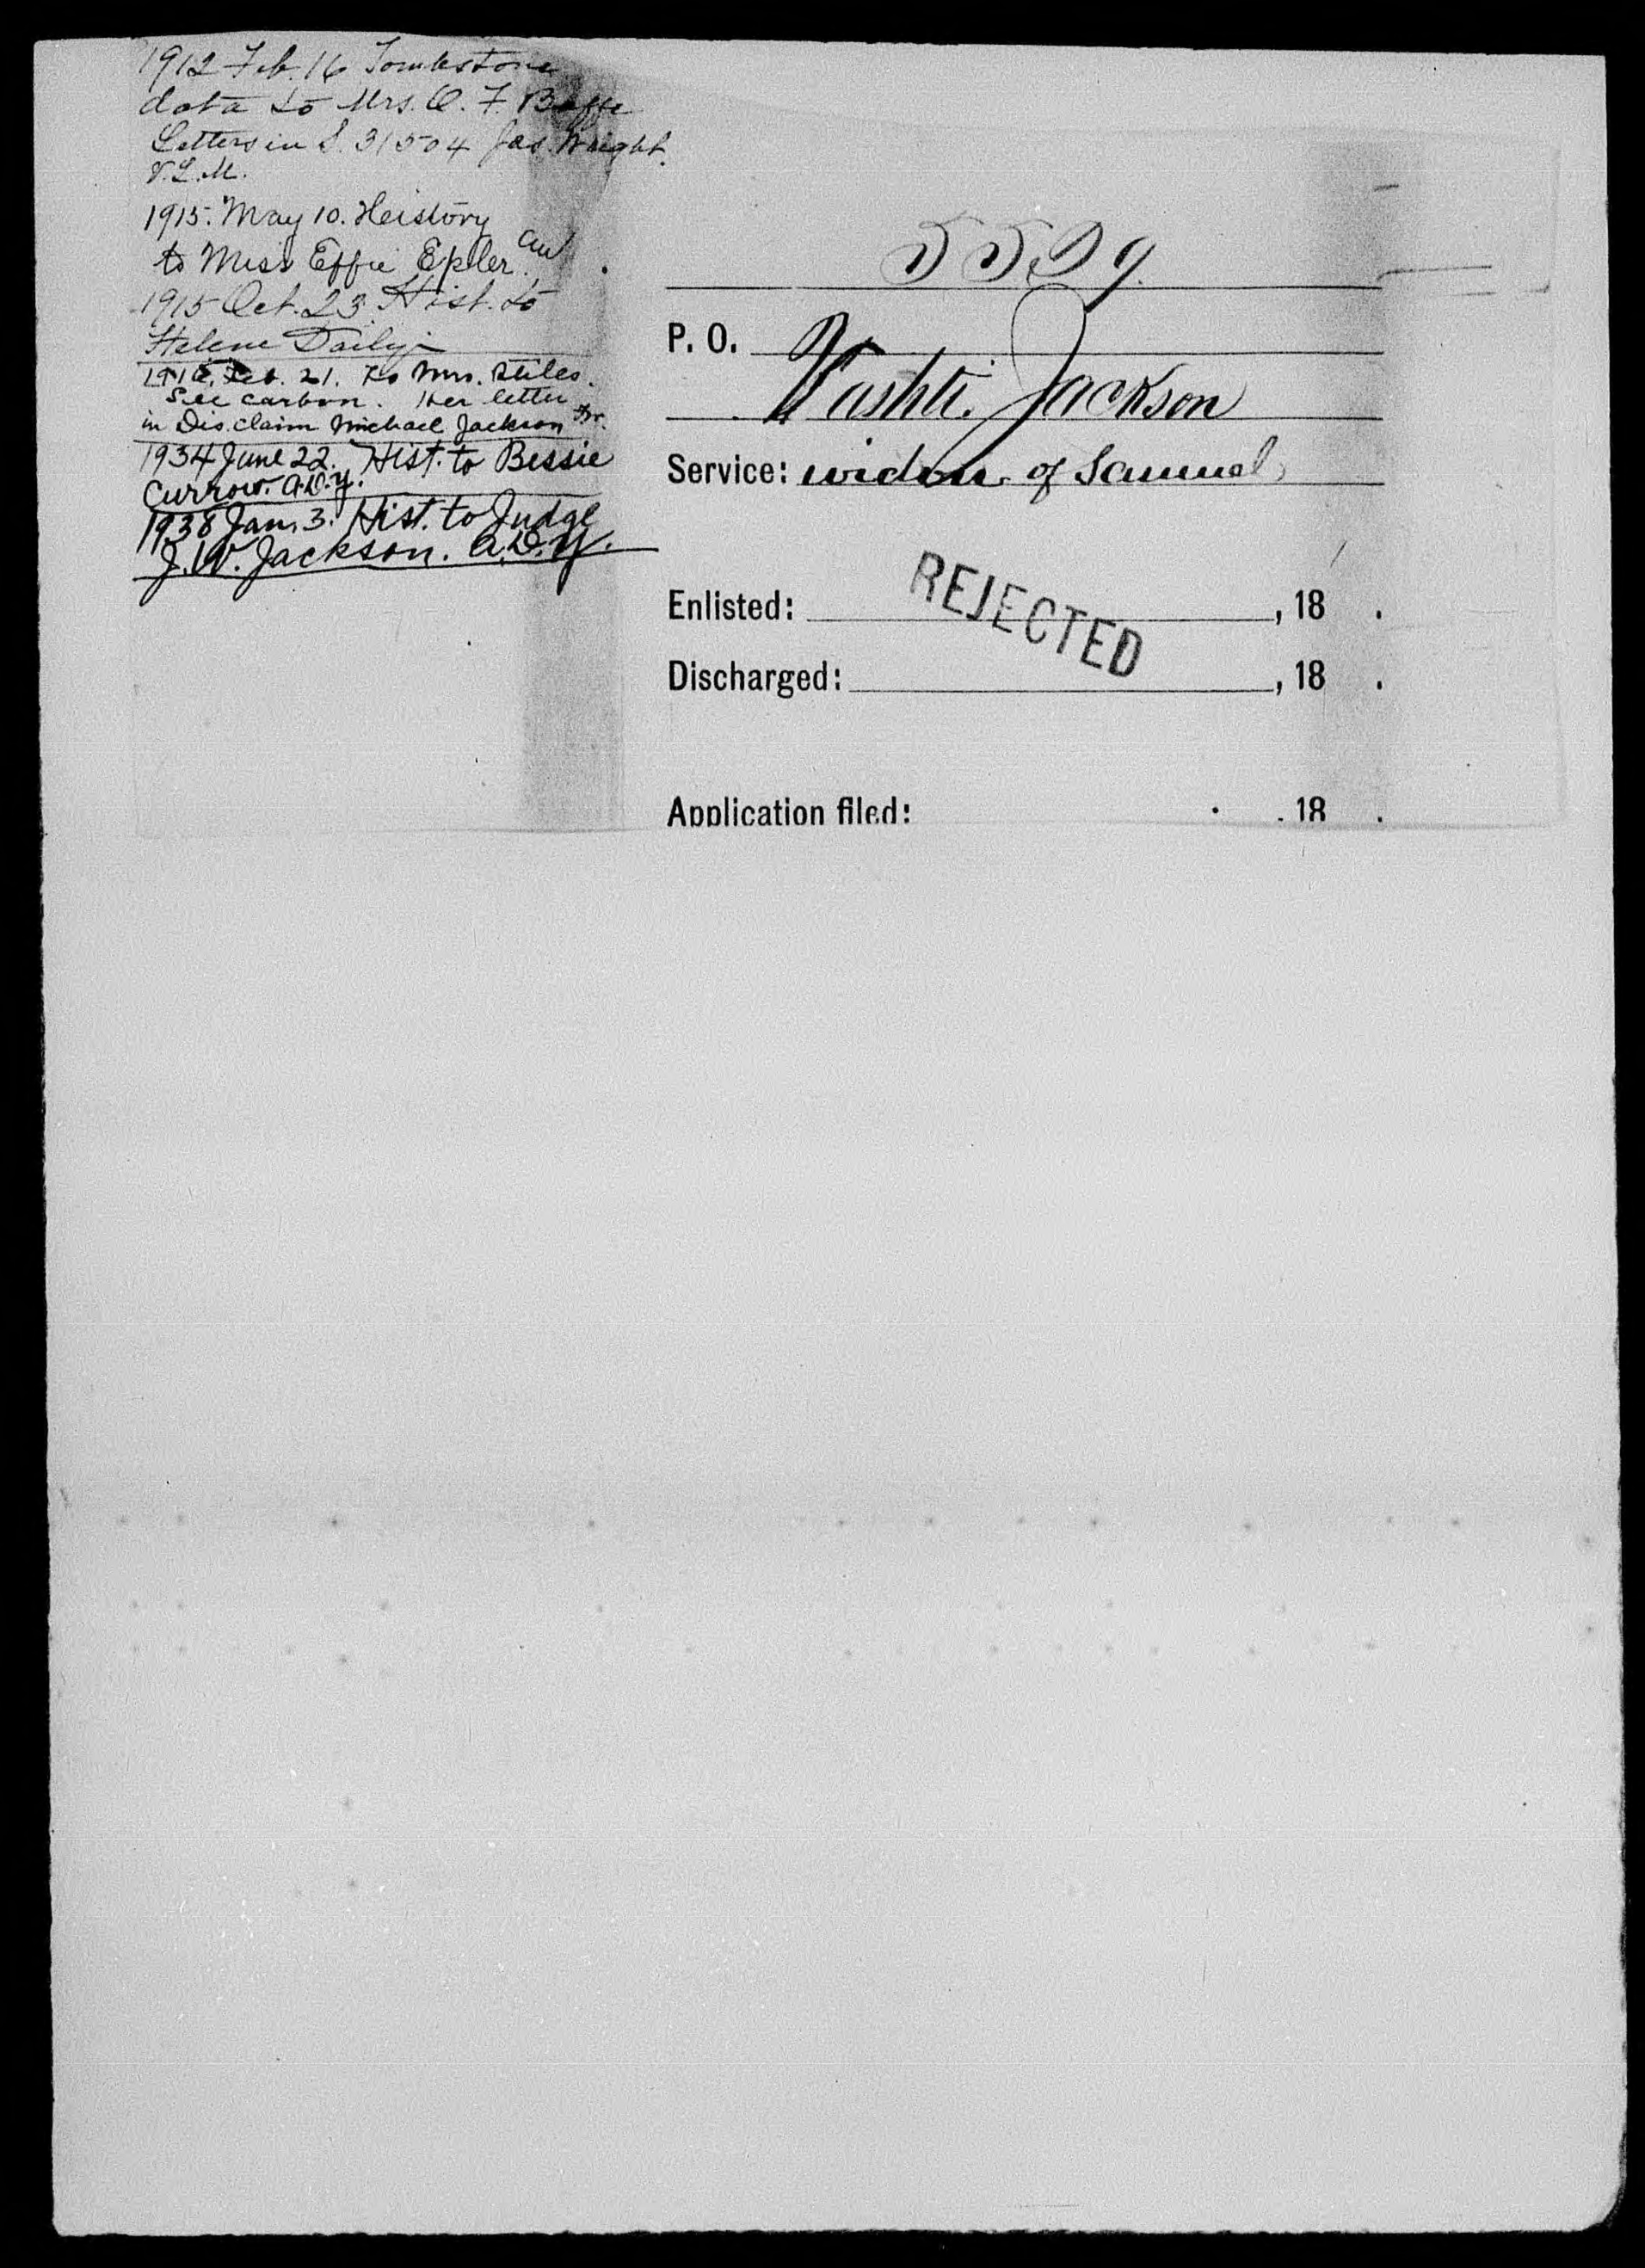1912 Feb. 16 Tombston
data to Mrs C. F. Baffe
Letter in S. 31504 Jas Wright
V. L. M.
1915. May 10. History
to Miss Effie Epler
1915 Oct 23 Hist to
Helene Daily
1915, Feb. 21. To Mrs. Stiles
Sec Carbon. Her letter
in Disclaim Michael Jackson  FW.
1934 June 22. Hist. to Bessie
Currow A.D.Y.
1938 Jan 3. Hist to Judge
J.W. Jackson, A.D.Y.

5529
P.O.____
Vashti Jackson
Service: widow of Samuel

Enlisted: REJECTED, 18__.
Discharged:____, 18_.

Application filed:____, 18_.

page: 19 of 56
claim: rejected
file: R 5529, for Samuel Jackson, Virginia